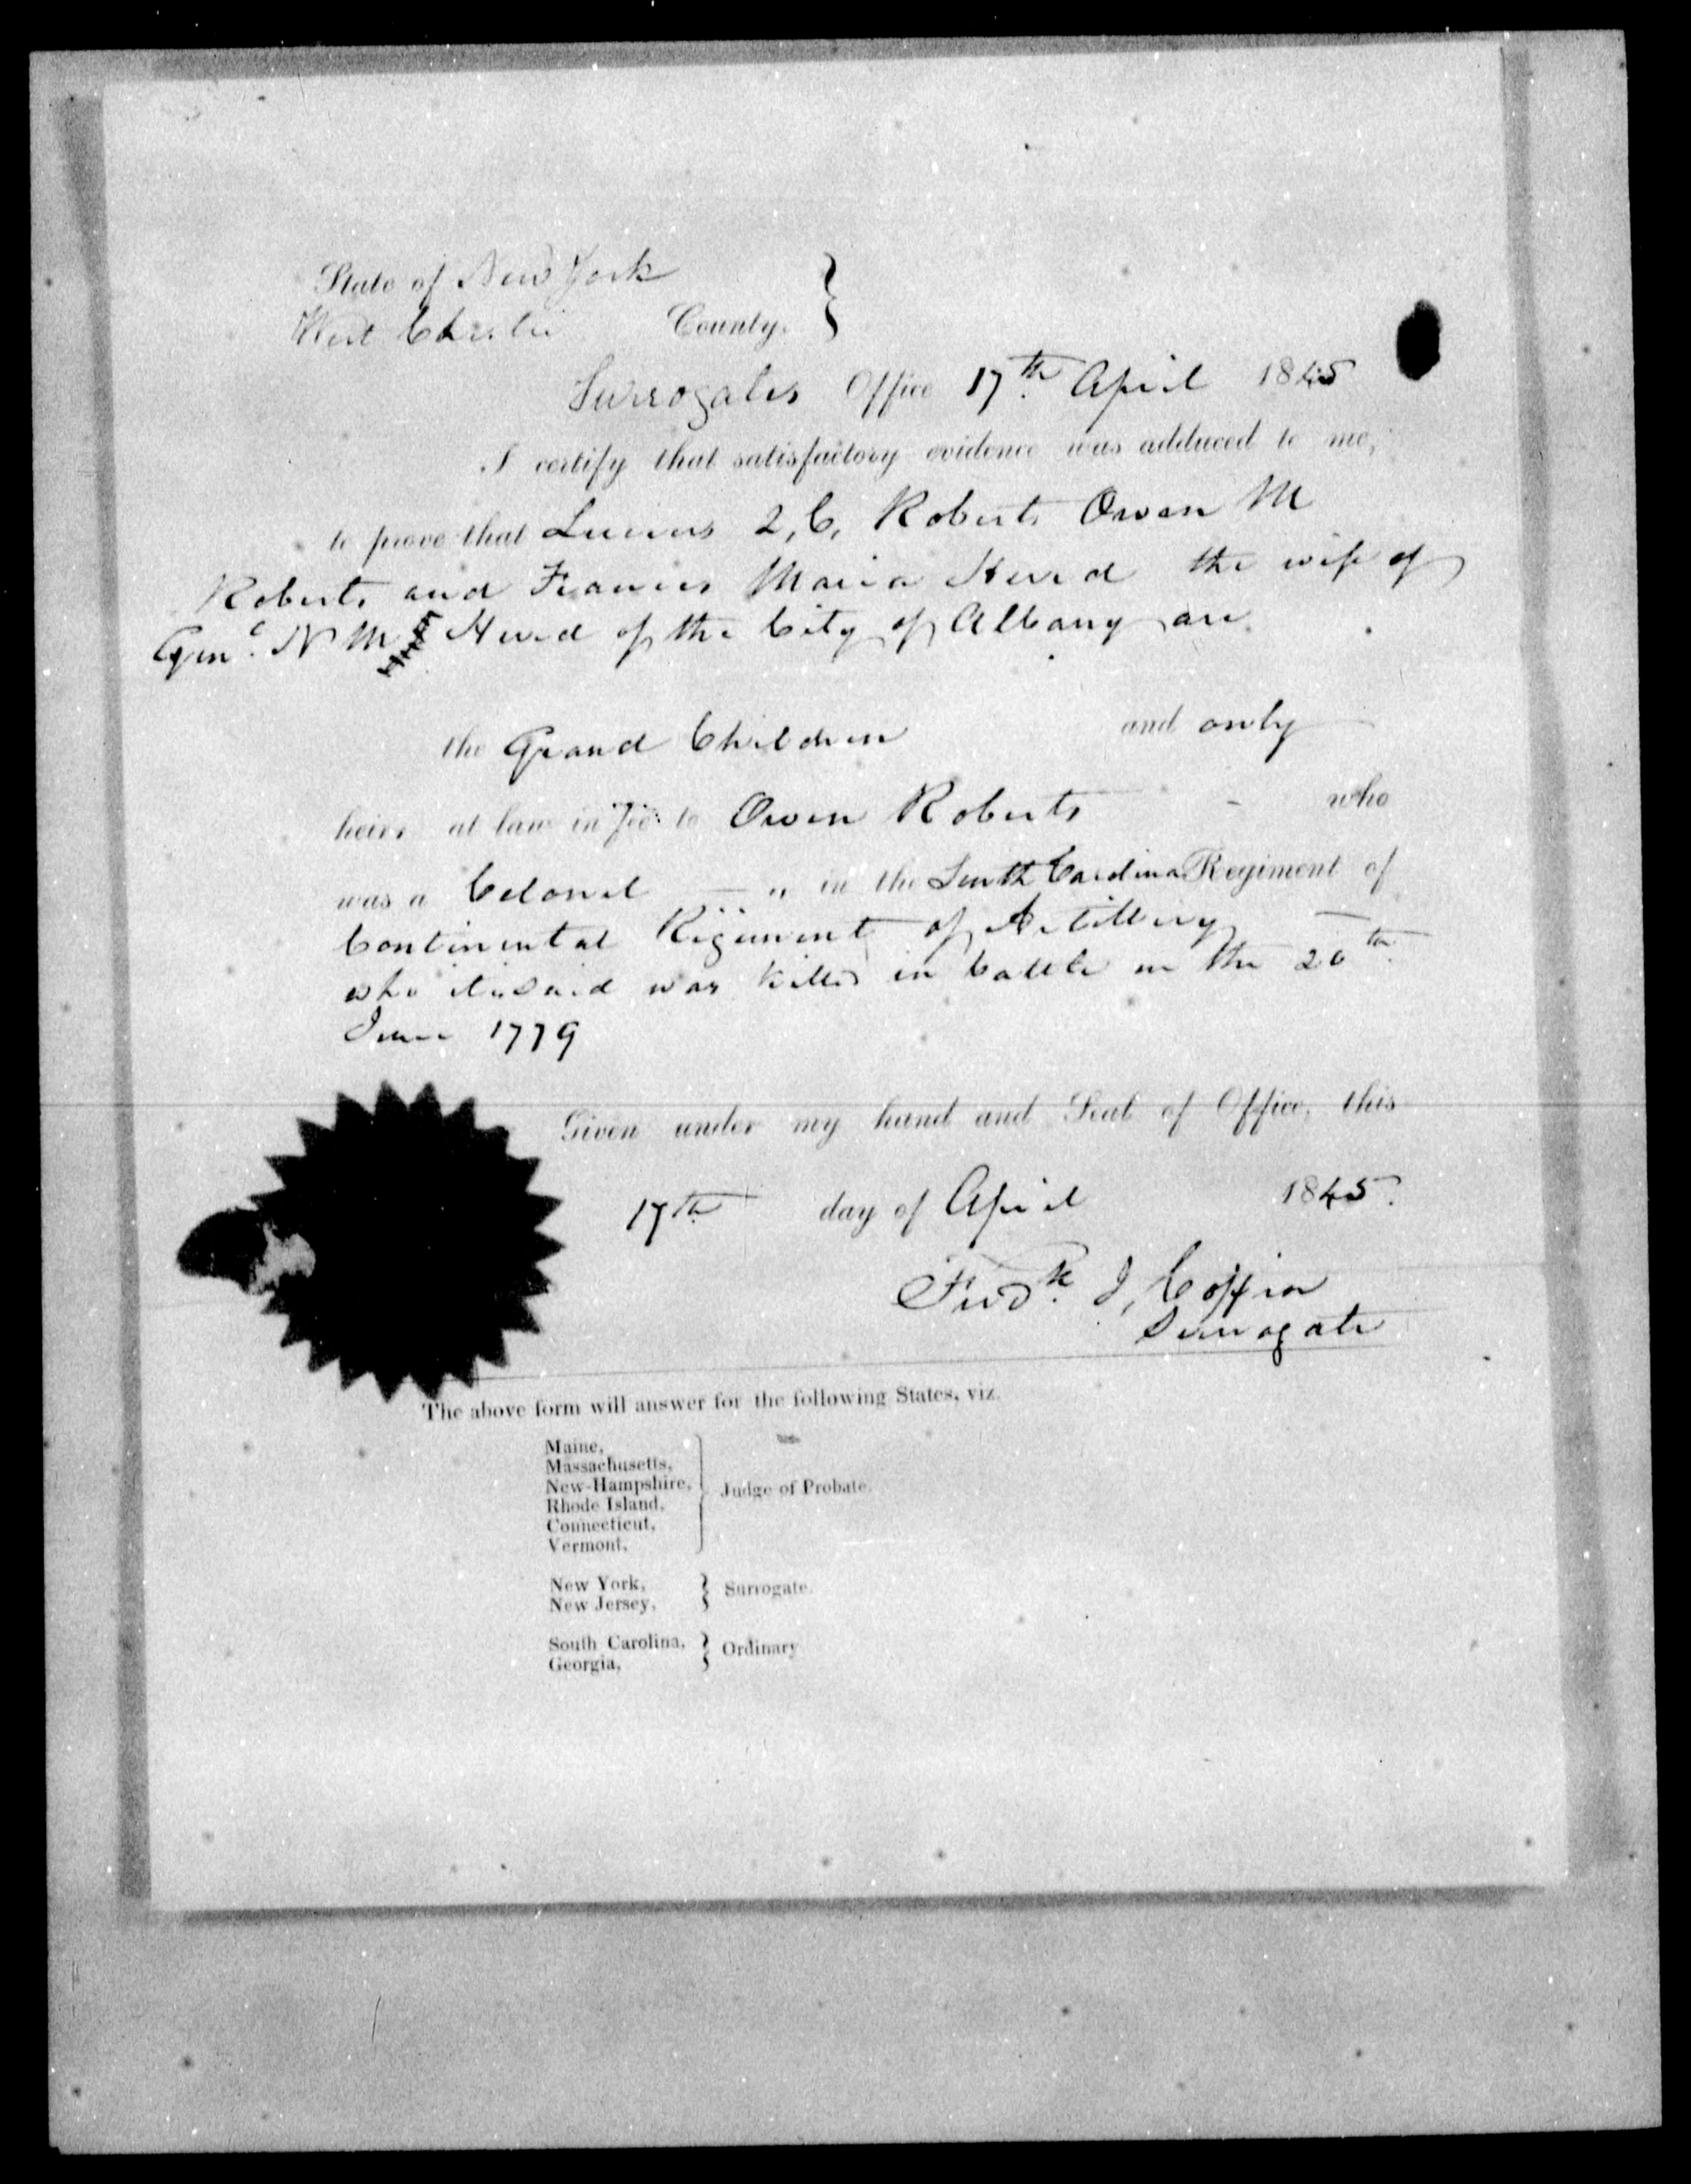State of New York
West Chester County

Surrogates Office 17th April 1845

I certify that satisfactory evidence was adduced to me, to prove that Lucius Q, C, Roberts, Owen M Roberts and Francis Maria Hurd the wife of Gen. N M [ something crossed out] Hurd of the City of Albany are the Grand Children and only heirs at law in fee to Owen Roberts who was a Colonel in the South Carolina Regiment of Continental Regiment of Artillery who it is said was killed in battle on the 20th June 1779

[Seal affixed] Given under my hand and Seal of Office, this 17th day of April 1845.
F[illegible, possible abbreviation for Frederick] J. Coffin
Surrogate

The above form will answer for the following states, viz.
Maine, Massachusetts, New Hampshire, Rhode Island, Connecticut, Vermont, Judge of Probate

New York, New Jersey, Surrogate

South Carolina, Georgia, Ordinary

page: 5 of 59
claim: bounty land warrant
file: B.L.Wt. 2359-500, for Owen Roberts, South Carolina